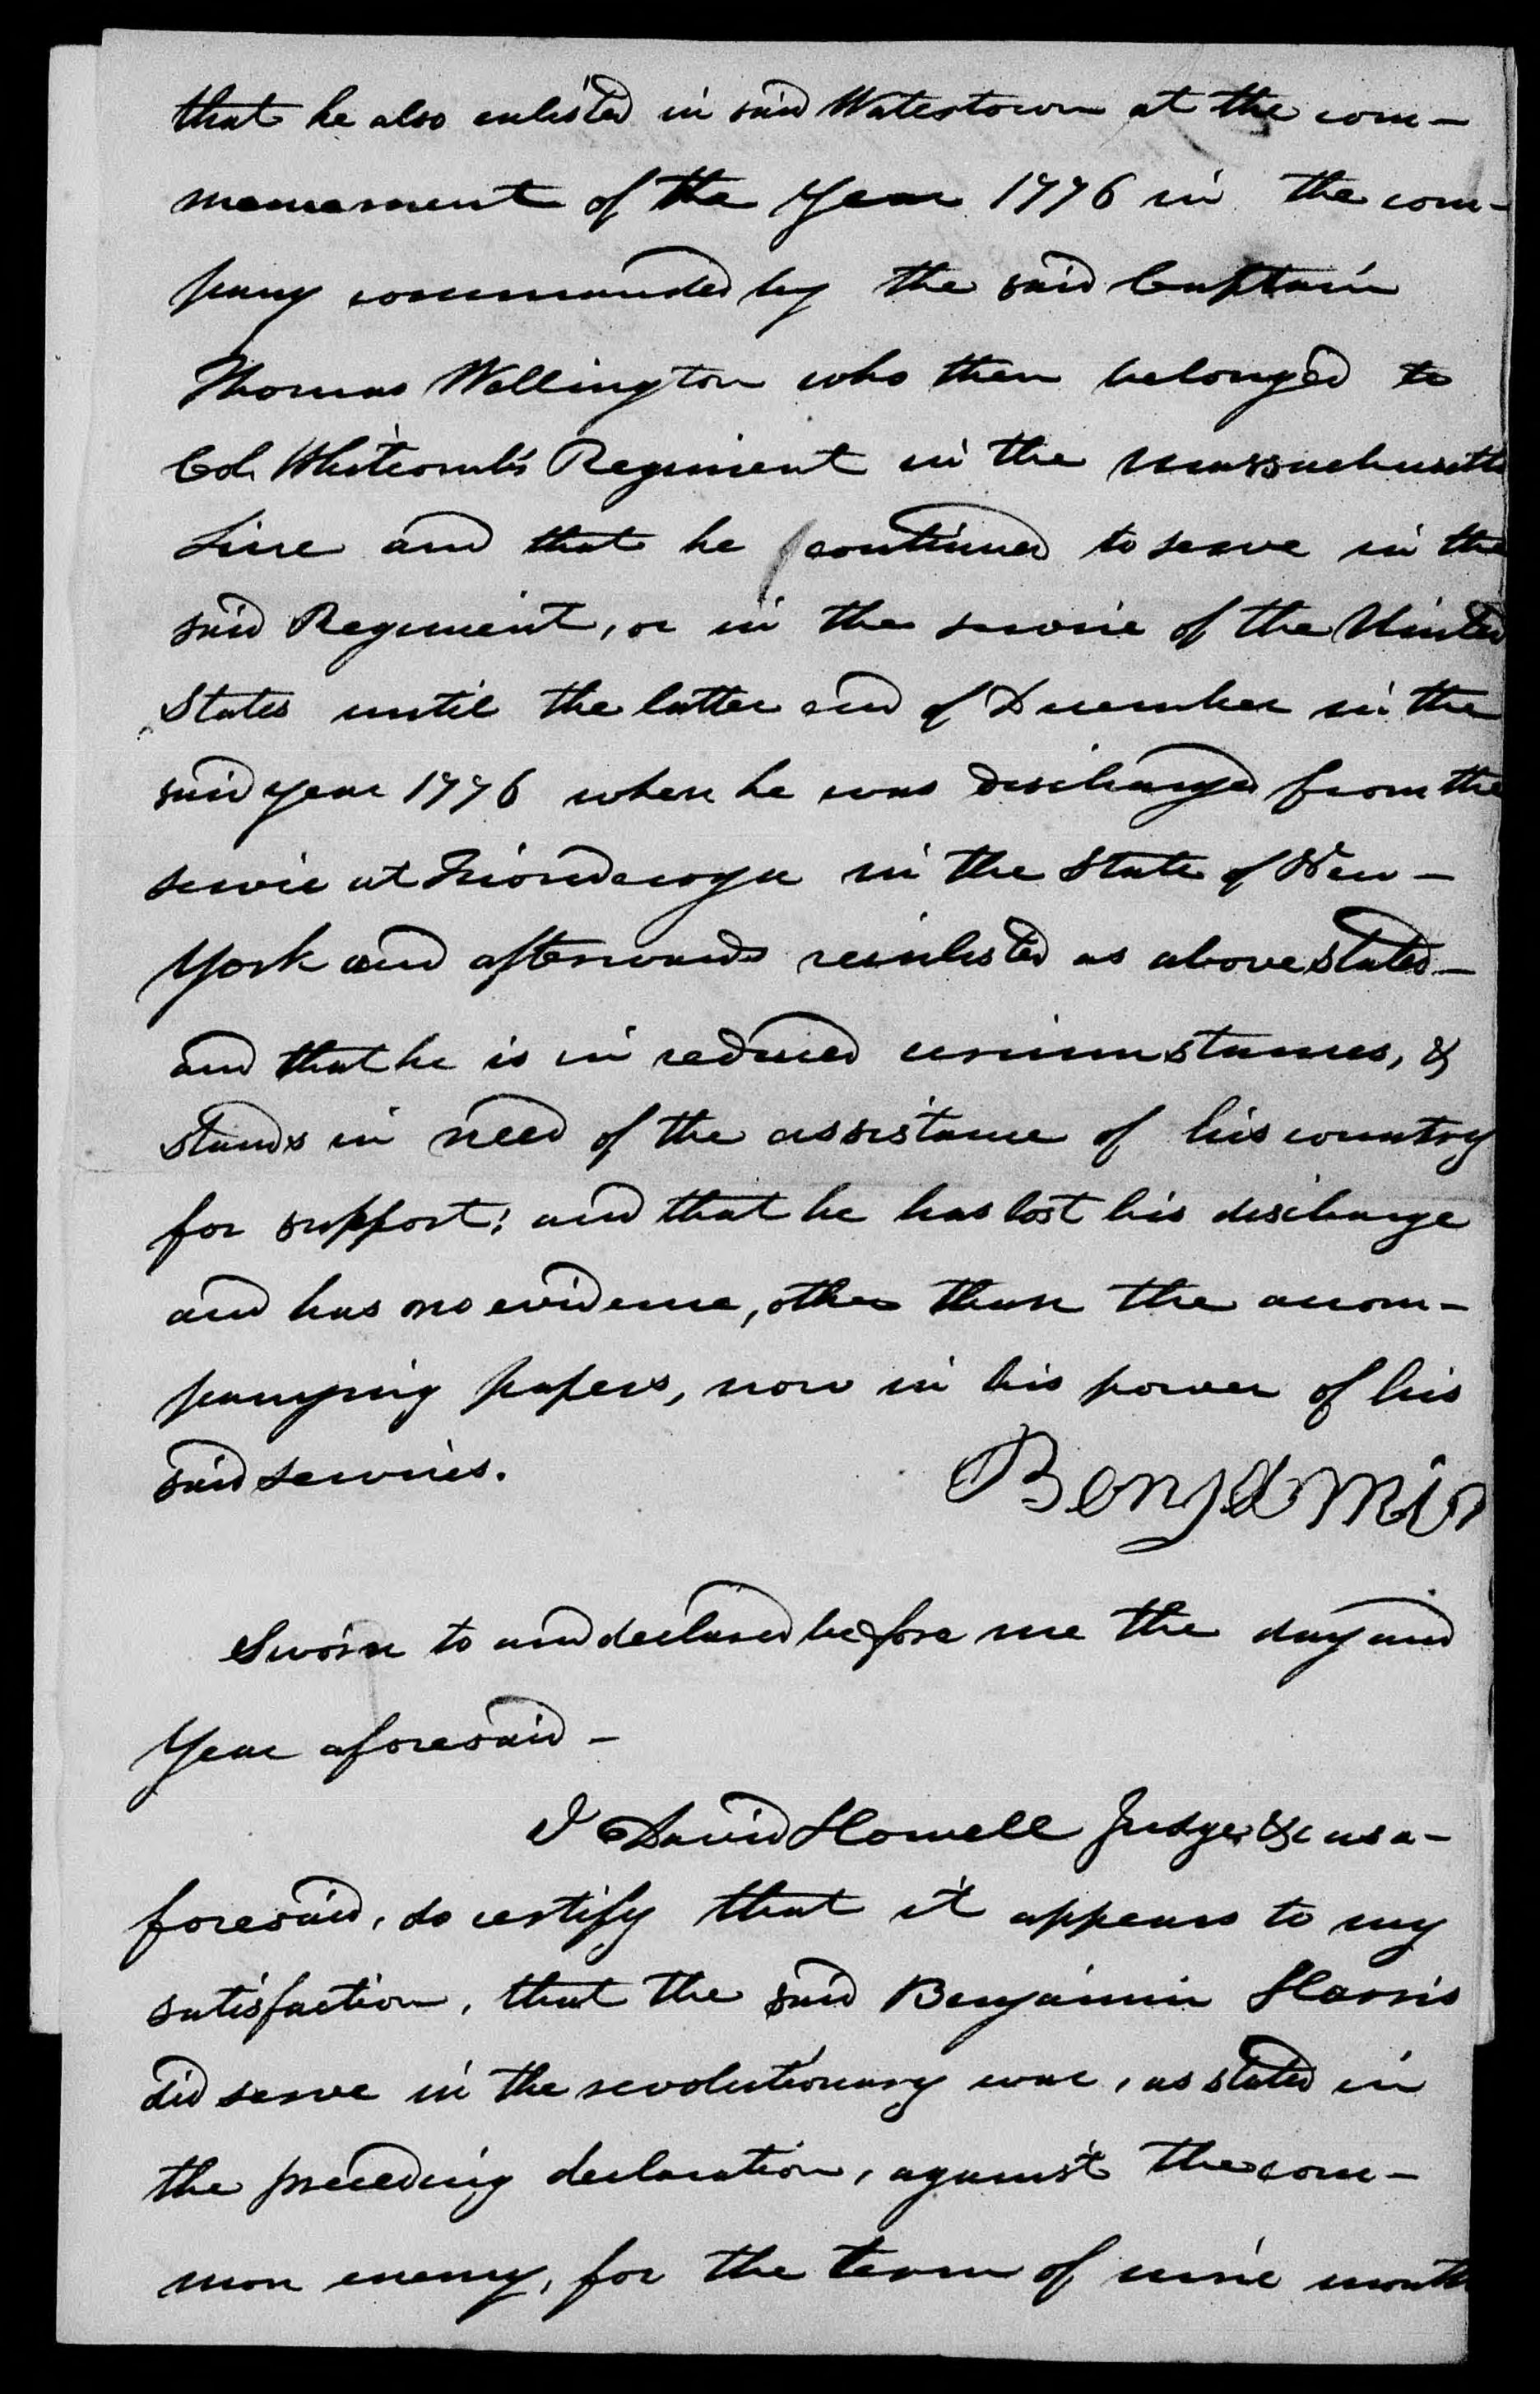that he also enlisted in said Watertown at the commencement of the year 1776 in the company commanded by the said Captain
Thomas Wellington who then belonged to
Col. Whitcomb's Regiment in the
Massachusetts
Line and that he continued to serve in the
said Regiment, or in the service of the United States
until the latter and of December in the
said year 1776 when he was discharged from the
service at Ticonderoga in the State of New York
and afterwards reenlisted as above stated
and that he is in reduced circumstances, &
stands in need of the assistance of his country
for support; and that he has lost his discharge 
and has no evidence, other than the accompanying 
papers, now in his power of his
said services
Benjamin 

Sworn to and declared before me the day and
year aforesaid

I David Howell Judge & as aforesaid, 
do certify that it appears to my
satisfaction, that the said Benjamin Harris
did serve in the revolutionary war, as stated in
the preceding declaration, against the common enemy, for the term of nine month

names: Benjamin Harris, Thomas Wellington, David Howell, Benjamin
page: 5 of 62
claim: survivor's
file: S. 38816, Benjamin Harris, Mass.